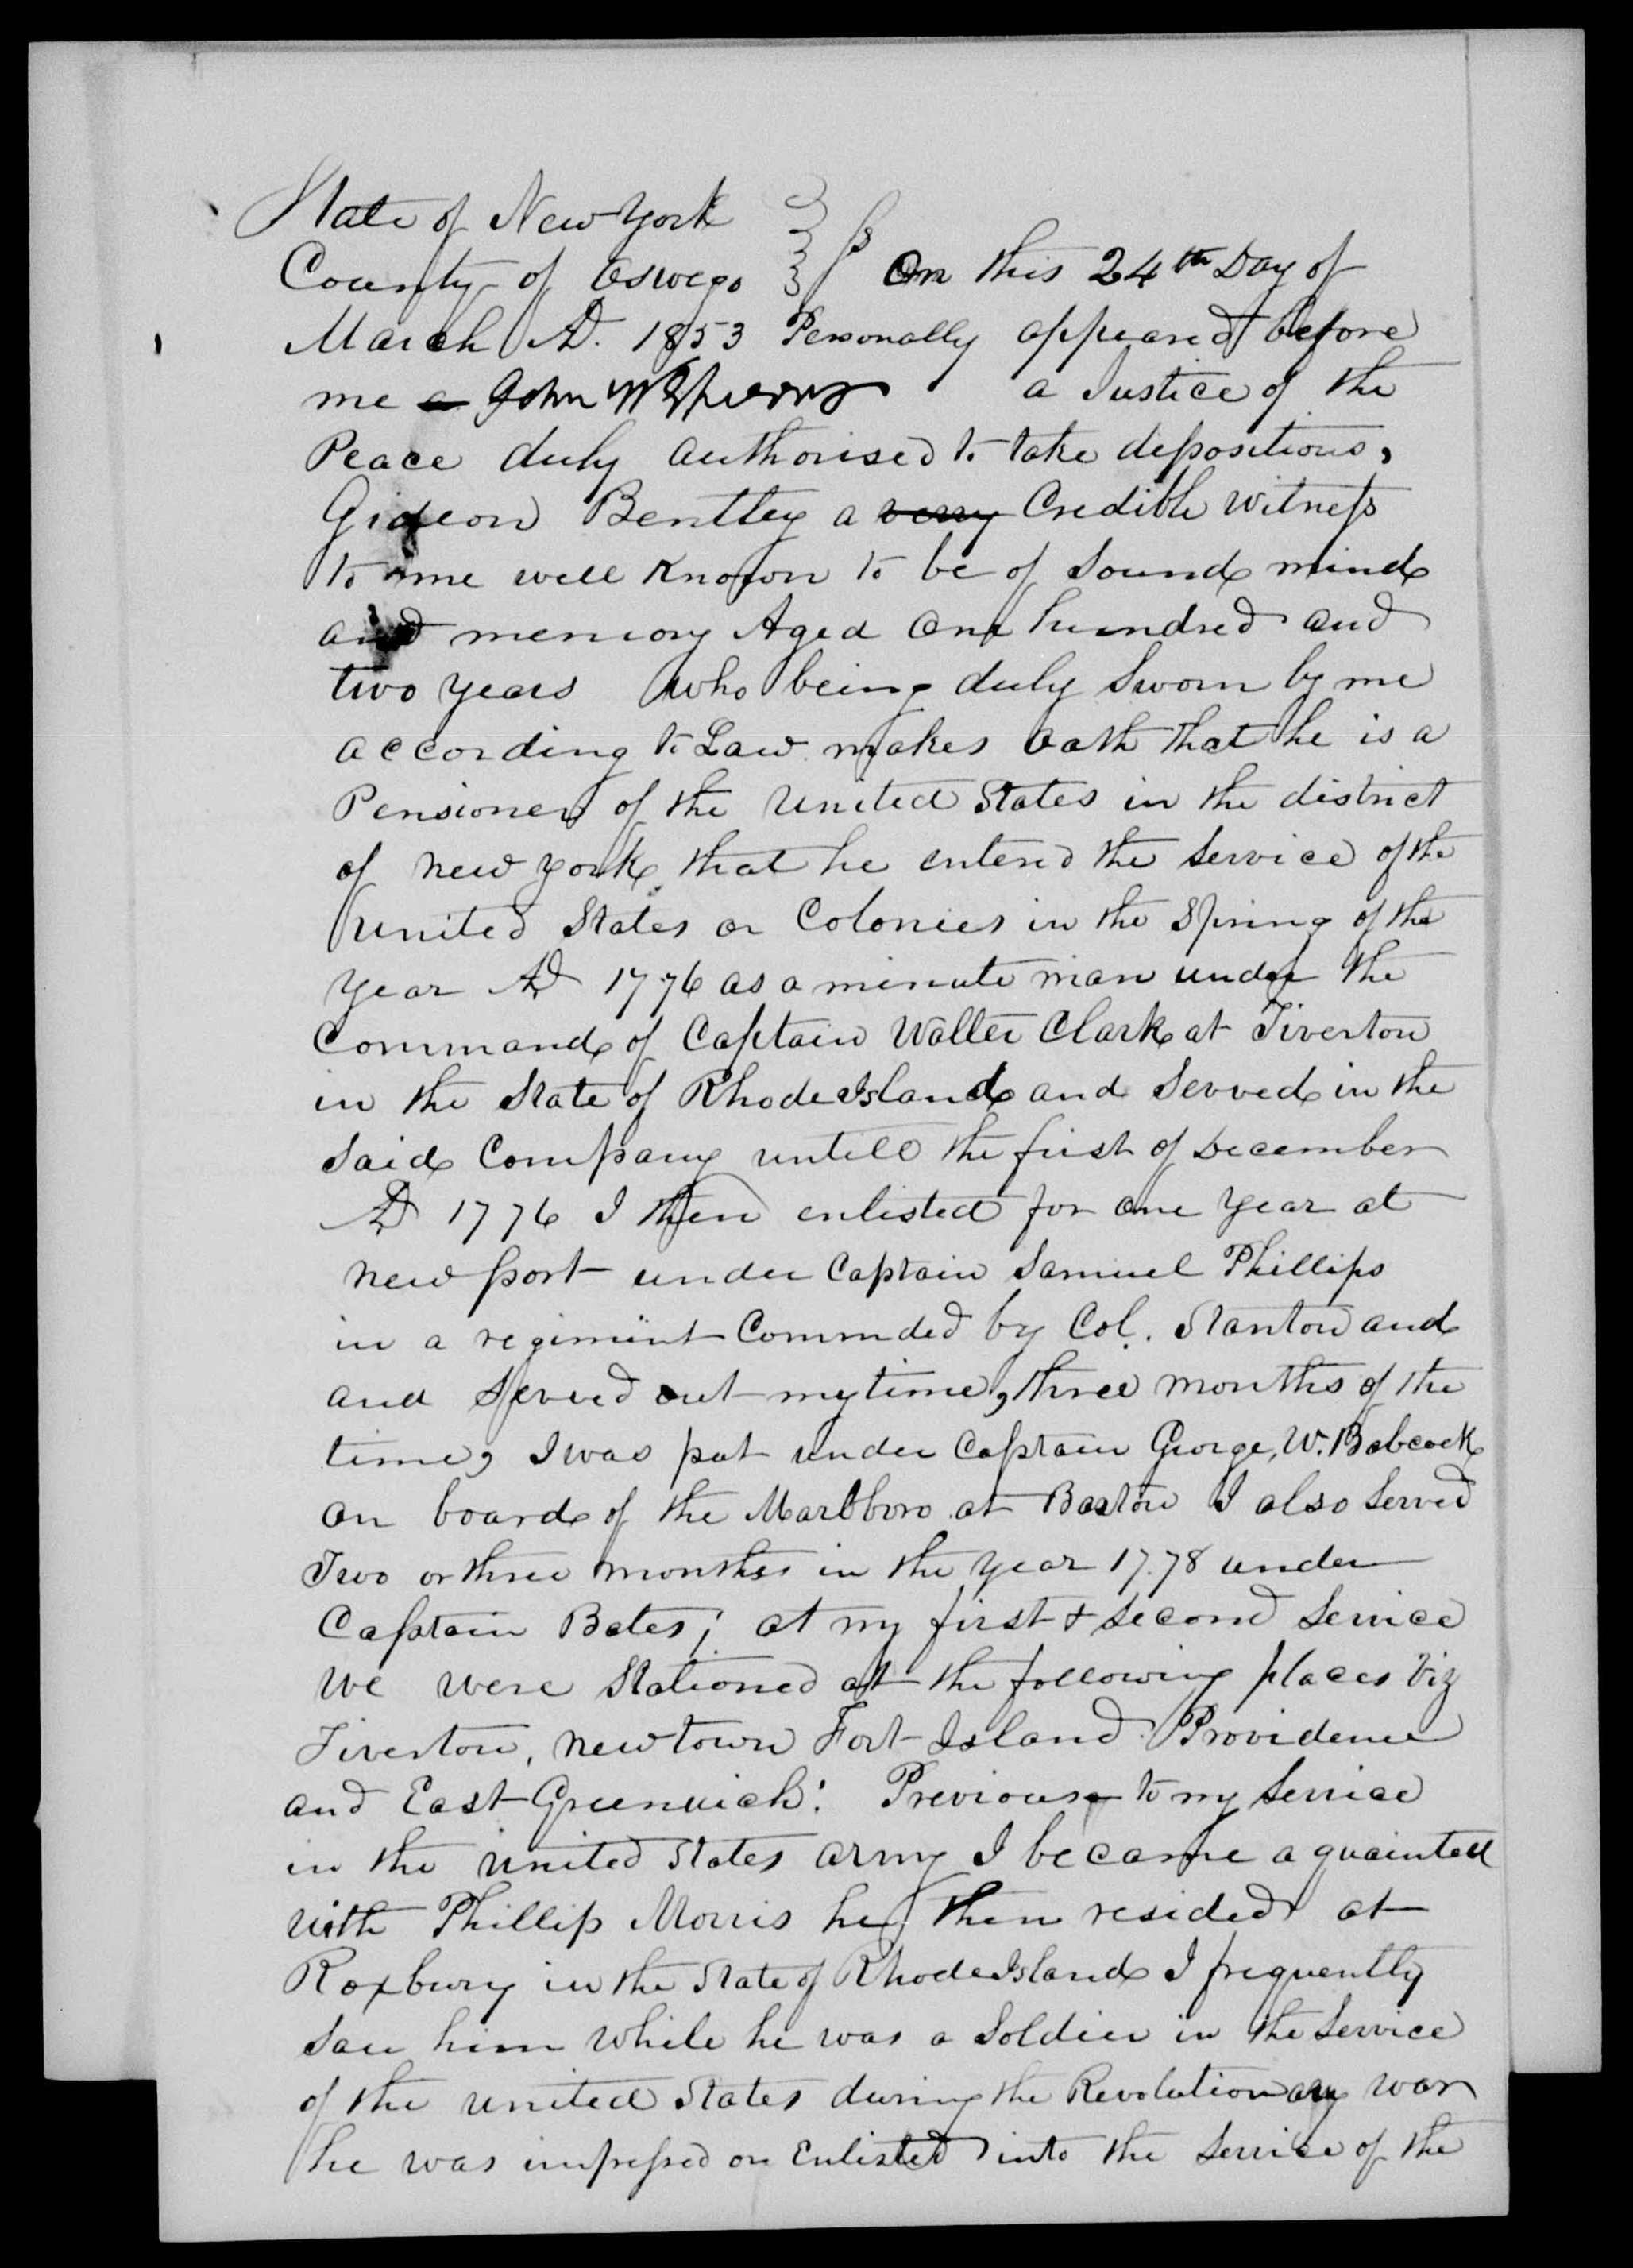State of New York
County of Oswego
On this 24th day of March A.D. 1853 Personally appeared before me John W [illegible] a Justice of the Peace duly authorised to take depositions, Gideon Bently a credible witness to me well known to be of sound mind and memory aged one hundred and two years who being duly sworn by me according to law makes oath that he is a Pensioner of the United States in the district of New York, that he entered the service of the United States or Colonies in the spring of the year A.D. 1776 as a minute man under the command of Captain Walter Clark at Tiverton in the State of Rhode Island  and served in the said company until the first of December A.D. 1776 I then enlisted for one year at Newport under Captain Samuel Phillips in a regiment commanded by Col. Stanton and and served out my time, Three months of the time, I was put under Captain George W. Babcock on Board of the Marlboro at Boston. I also served two or three months in the year 1778 under Captain Bates; at my first & second service we were stationed at the following places viz. Tiverton, Newtown Fort - Island Providence and East Greenwich: Previous to my Service in the United States Army I became aquainted with Phillip Morris he then resided at Roxbury in the State of Rhode Island I frequently saw him while he was a soldier in the service of the United States during the Revolutionary War he was [illegible] or enlisted into the service of the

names: Phillip Morris; Walter Clark; [BLANK] Bates; Samuel Phillips; George W Babcock; [BLANK] Stanton; Gideon Bentley; John W Sperry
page: 23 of 44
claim: survivor's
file: S. 28,815, for Philip Morris, Rhode Island